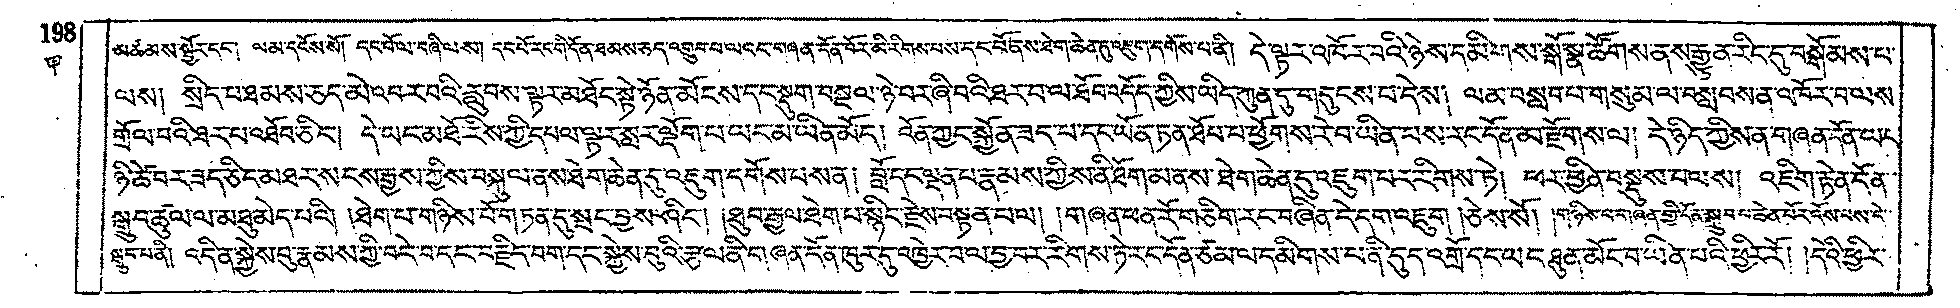མཚམས་སྦྱོར་དང་། ལམ་དངོས་སོ། །དང་པོ་ལ་བཞི་ལས། དང་པོ་རང་གི་དོན་ཐམས་ཅད་འགྲུབ་པ་ལའང་གཞན་དོན་བོར་མི་རིགས་པས་དང་པོ་ནས་ཐེག་ཆེན་དུ་འཇུག་དགོས་པ་ནི། དེ་ལྟར་འཁོར་བའི་ཉེས་དམིགས་སྒོ་སྣ་ཚོགས་ནས་རྒྱུན་རིང་དུ་བསྒོམས་པ་
ལས། སྲིད་པ་ཐམས་ཅད་མེ་འབར་བའི་རླུབས་ལྟར་མཐོང་སྟེ་ཉོན་མོངས་དང་སྡུག་བསྔལ་ཉེ་བར་ཞི་བའི་ཐར་བ་ལ་ཐོབ་འདོད་ཀྱིས་ཡིད་ཀུན་དུ་གདུངས་པ་དེས། ལམ་བསླབ་པ་གསུམ་ལ་བསླབས་ན་འཁོར་བ་ལས་
གྲོལ་བའི་ཐར་པ་འཐོབ་ཅིང་། དེ་ཡང་མཐོ་རིས་ཀྱི་དཔལ་ལྟར་སླར་ལྡོག་པ་ཡང་མ་ཡིན་མོད། འོན་ཀྱང་སྐྱོན་ཟད་པ་དང་ཡོན་ཏན་ཐོབ་པ་ཕྱོགས་རེ་བ་ཡིན་པས་རང་དོན་མ་རྫོགས་ལ། དེ་ཉིད་ཀྱིས་ན་གཞན་དོན་ཡང་
ཉི་ཚེ་བར་ཟད་ཅིང་མཐར་སངས་རྒྱས་ཀྱིས་བསྐུལ་ནས་ཐེག་ཆེན་དུ་འཇུག་དགོས་པས་ན། བློ་དང་ལྡན་པ་རྣམས་ཀྱིས་ནི་ཐོག་མ་ནས་ཐེག་ཆེན་དུ་འཇུག་པར་རིགས་ཏེ། ཕར་ཕྱིན་བསྡུས་པ་ལས། འཇིག་རྟེན་དོན་
སྒྲུབ་ཚུལ་ལ་མཐུ་མེད་པའི། །ཐེག་པ་གཉིས་པོ་གཏན་དུ་སྤང་བྱས་ཤིང་། །ཐུབ་རྒྱལ་ཐེག་པ་སྙིང་རྗེས་བསྟན་པ་ལ། །གཞན་ཕན་རོ་གཅིག་རང་བཞིན་དེ་དག་འཇུག །ཅེས་སོ། །གཉིས་པ་གཞན་གྱི་དོན་སྒྲུབ་པ་ཆེན་པོར་འོས་པས་དེ་
སྒྲུབ་པ་ནི། འདི་ན་སྐྱེས་བུ་རྣམས་ཀྱི་བདེ་བ་དང་བརྗིད་བག་དང་སྐྱེས་བུའི་རྩལ་ནི་གཞན་དོན་ཁུར་དུ་འཁྱེར་བ་ལ་བྱ་བར་རིགས་ཏེ་རང་དོན་ཙམ་ལ་དམིགས་པ་ནི་དུད་འགྲོ་དང་ཡང་ཐུན་མོང་བ་ཡིན་པའི་ཕྱིར་རོ། །དེའི་ཕྱིར་